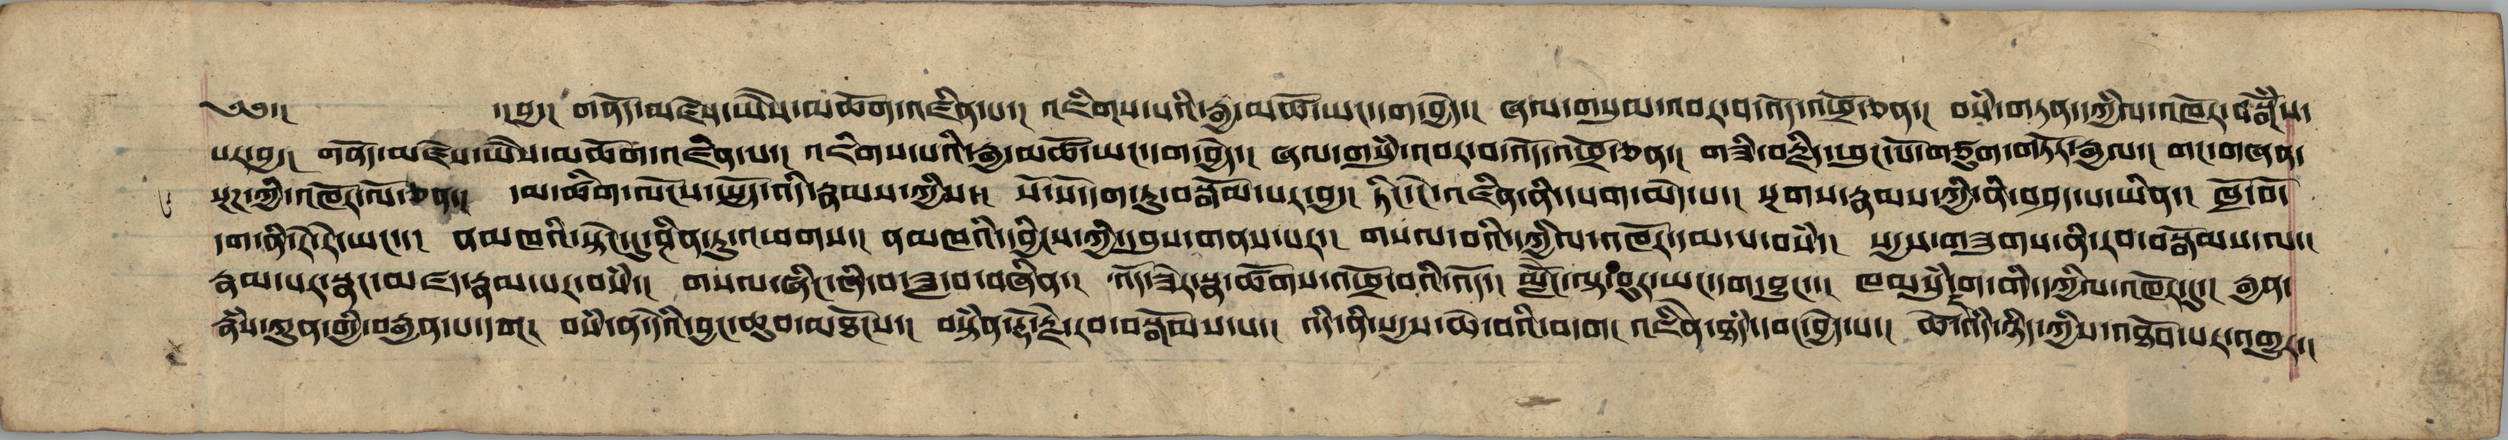༄༅་། ་།བྱ་། གནོད་མཛེས་ཡཻས་མཆོག་འཛིན་པ་། འཇིགས་པའི་རྒྱ་མཚོ་ཡང་དག་བྱེད་། ཞལ་གསུམ་འབར་བ་འོད་འཕྲོ་ཅན་། བསཾ་གཏན་དཀྱིལ་འཁོར་བསྒོཾས་
པར་བྱ་། གནོད་མཛེས་ཡཻས་མཆོག་འཛིན་པ་། འཇིགས་པའི་རྒྱ་མཚོ་ཡང་དག་བྱེད་། ཞལ་གསུཾ་འབར་བ་འོད་འཕྲོ་ཅན་། གཟི་བརྗིད་ཕུང་པོ་གཙུག་གཏོར་རྒྱལ་། གང་གཞན་
སྔཌ་ཀྱི་འཁོར་ལོ་ཅན་། དམ་ཚིག་ལོངས་སྤྱོད་འདི་རྣམས་ཀྱིས་། སོ་སོ་དག་ཏུ་བསྒོམ་པར་བྱ་། ཏིང་ངེ་འཛིན་ནི་དཔག་མེད་པ་། སྔགས་རྣམས་ཀྱི་ནི་བཤད་པ་ཡིན་། ཁྲོ་བོ་
དག་ནི་རེ་རེ་ཡང་་། ནམཁའི་སྟེང་དུ་ཤིན་ཏུ་འཕགས་། ནམཁའི་དབྱིངས་ཀྱི་དབུས་གནས་པར་། གསལ་བའི་དཀྱིལ་འཁོར་དམ་པ་བསཾ་། སདྱས་གཟུགས་ནི་རབ་བསྒོམས་ལ་།
རྣམ་པར་སྣང་མཛད་རྣམ་པར་བསཾ་། གསལ་ཞིང་ཞི་བ་ཟླ་བ་བཞིན་། འོད་ཟེར་སྣ་ཚོགས་འཕྲོ་བའི་འོད་། མླེོང་ལྟ་བུར་ཡང་དག་བྱུང་་། ཁམསུཾ་དག་གི་དཀྱིལ་འཁོར་དུ་། རྒྱན་
རྣཾས་ཀུན་གྱི་བརྒྱན་པ་དག། བསཾ་ན་དེའི་བྱང་ཆུབ་མཐོངས་། བསྟིན་རྡོ་རྗེ་རབ་བསྒོམས་པ་། འདི་ནི་སདྱས་ཆེ་བའི་བདག། འཇིེན་ཐཾད་དབང་བྱེད་པ་། ཚེ་འདི་ཉིད་ཀྱིས་འཐོབ་པར་འགྱུར་།